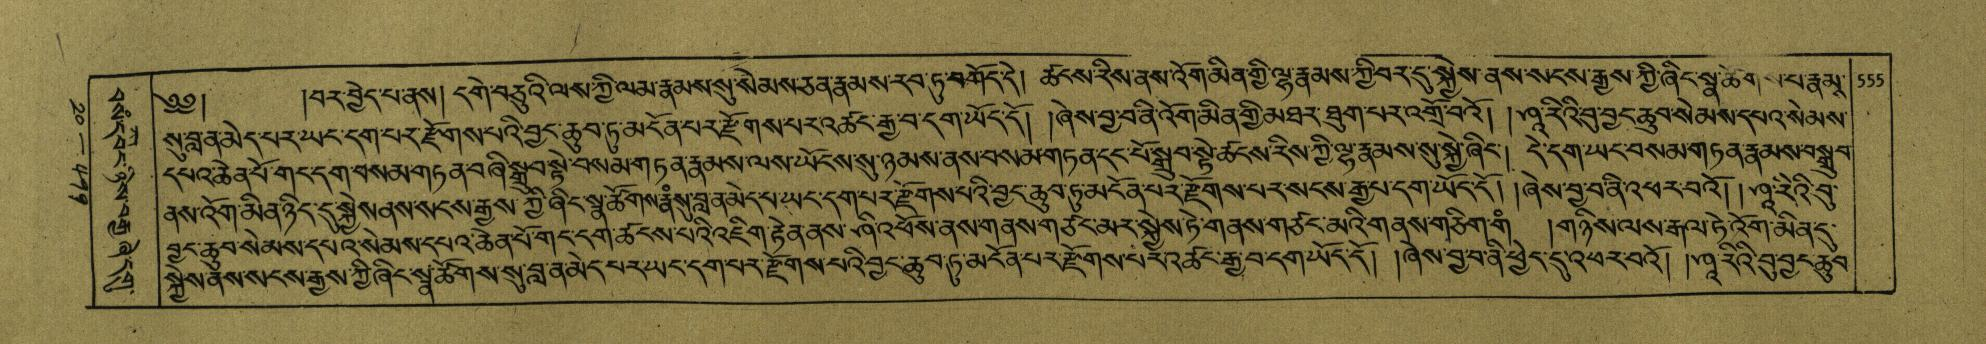༄༅། །བར་བྱེད་པ་ནས། དགེ་བཅུའི་ལས་ཀྱི་ལམ་རྣམས་སུ་སེམས་ཅན་རྣམས་རབ་ཏུ་བཀོད་དེ། ཚངས་རིས་ནས་འོག་མིན་གྱི་ལྷ་རྣམས་ཀྱི་བར་དུ་སྐྱེས་ནས་སངས་རྒྱས་ཀྱི་ཞིང་སྣ་ཚོགས་པ་རྣམས་
སུ་བླ་ན་མེད་པར་ཡང་དག་པར་རྫོགས་པའི་བྱང་ཆུབ་ཏུ་མངོན་པར་རྫོགས་པར་འཚང་རྒྱ་བ་དག་ཡོད་དོ། །ཞེས་བྱ་བ་ནི་འོག་མིན་གྱི་མཐར་ཐུག་པར་འགྲོ་བའོ། །ཤཱ་རིའི་བུ་བྱང་ཆུབ་སེམས་དཔའ་སེམས་
དཔའ་ཆེན་པོ་གང་དག་བསམ་གཏན་བཞི་སྒྲུབ་སྟེ་བསམ་གཏན་རྣམས་ལས་ཡོངས་སུ་ཉམས་ནས་བསམ་གཏན་དང་པོ་སྒྲུབ་སྟེ་ཚངས་རིས་ཀྱི་ལྷ་རྣམས་སུ་སྐྱེ་ཞིང་། དེ་དག་ཡང་བསམ་གཏན་རྣམས་བསྒྲུབ་
ནས་འོག་མིན་ཉིད་དུ་སྐྱེས་ནས་སངས་རྒྱས་ཀྱི་ཞིང་སྣ་ཚོགས་རྣཾསུ་བླ་ན་མེད་པ་ཡང་དག་པར་རྫོགས་པའི་བྱང་ཆུབ་ཏུ་མངོན་པར་རྫོགས་པར་སངས་རྒྱས་པ་དག་ཡོད་དོ། །ཞེས་བྱ་བ་ནི་འཕར་བའོ། །ཤཱ་རིའི་བུ་
བྱང་ཆུབ་སེམས་དཔའ་སེམས་དཔའ་ཆེན་པོ་གང་དག་ཚངས་པའི་འཇིག་རྟེན་ནས་ཤི་འཕོས་ནས་གནས་གཙང་མར་སྐྱེས་ཏེ་གནས་གཙང་མའི་གནས་གཅིག་གཾ་།གཉིས་ལས་རྒལ་ཏེ་འོག་མིན་དུ་
སྐྱེས་ནས་སངས་རྒྱས་ཀྱི་ཞིང་སྣ་ཚོགས་སུ་བླ་ན་མེད་པར་ཡང་དག་པར་རྫོགས་པའི་བྱང་ཆུབ་ཏུ་མངོན་པར་རྫོགས་པར་འཚང་རྒྱ་བ་དག་ཡོད་དོ། །ཞེས་བྱ་བ་ནི་ཕྱེད་དུ་འཕར་བའོ། །ཤཱ་རིའི་བུ་བྱང་ཆུབ་